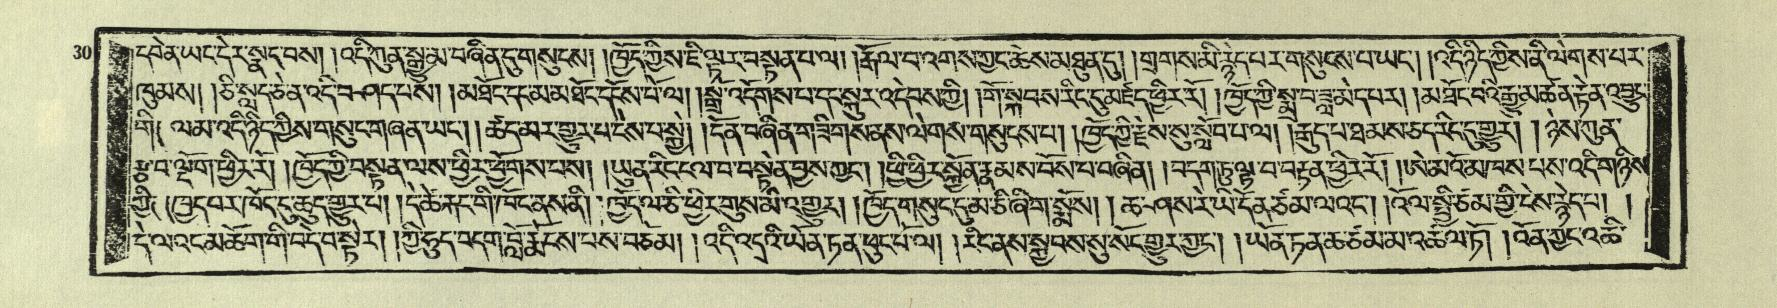དབེན་ཡང་དེར་སྣང་བས། །འདི་ཀུན་སྒྱུ་མ་བཞིན་དུ་གསུངས། །ཁྱོད་ཀྱིས་ཇི་ལྟར་བསྟན་པ་ལ། །རྒོལ་བ་འགས་ཀྱང་ཆེས་མཐུན་དུ། །གྲགས་མི་རྙེད་པར་གསུངས་པ་ཡང་། །འདི་ཉིད་ཀྱིས་ནི་ལེགས་པར་
ཁུམས། །ཅི་སླད་ཅེ་ན་འདི་བཤད་པས། །མཐོང་དང་མ་མཐོང་དངོས་པོ་ལ། །སྒྲོ་འདོགས་པ་དང་སྐུར་འདེབས་ཀྱི། །གོ་སྐབས་རིང་དུ་མཛད་ཕྱིར་རོ། །ཁྱོད་ཀྱི་སྨྲ་བ་ཟླ་མེད་པར། །མཐོང་བའི་རྒྱུ་མཚན་རྟེན་འབྱུང་
གི། ལམ་འདི་ཉིད་ཀྱིས་གསུང་གཞན་ཡང་། །ཚད་མར་གྱུར་པ་ངེས་པ་སྐྱེ། །དོན་བཞིན་གཟིགས་ནས་ལེགས་གསུངས་པ། །ཁྱོད་ཀྱི་རྗེས་སུ་སློབ་པ་ལ། །རྒུད་པ་ཐམས་ཅད་རིང་དུ་གྱུར། །ཉེས་ཀུན་
རྩ་བ་ལྡོག་ཕྱིར་རོ། །ཁྱོད་ཀྱི་བསྟན་ལས་ཕྱིར་ཕྱོགས་པས། །ཡུན་རིང་ངལ་བ་བསྟེན་བྱས་ཀྱང་། །ཕྱི་ཕྱིར་སྐྱོན་རྣམས་བོས་པ་བཞིན། །བདག་ཏུ་ལྟ་བ་བརྟན་ཕྱིར་རོ། །ཨེ་མའོ་མཁས་པས་འདི་གཉིས་
ཀྱི༑ །ཁྱད་པར་ཁོང་དུ་ཆུད་གྱུར་པ། །དེ་ཚེ་རྐང་གི་ཁོང་ནས་ནི། །ཁྱོད་ལ་ཅི་ཕྱིར་གུས་མི་འགྱུར། །ཁྱོད་གསུང་དུ་མ་ཅི་ཞིག་སྨོས། །ཆ་ཤས་རེ་ཡི་དོན་ཙམ་ལའང་། །འོལ་སྤྱི་ཙམ་གྱི་ངེས་རྙེད་པ། །
དེ་ལའང་མཆོག་གི་བདེ་བ་སྟེར། །ཀྱི་ཧུད་བདག་བློ་རྨོངས་པས་བཅོམ། །འདི་འདྲའི་ཡོན་ཏན་ཕུང་པོ་ལ། །རིང་ནས་སྐྱབས་སུ་སོང་གྱུར་ཀྱང་། །ཡོན་ཏན་ཆ་ཙམ་མ་འཚལ་ཏོ། །འོན་ཀྱང་འཆི་